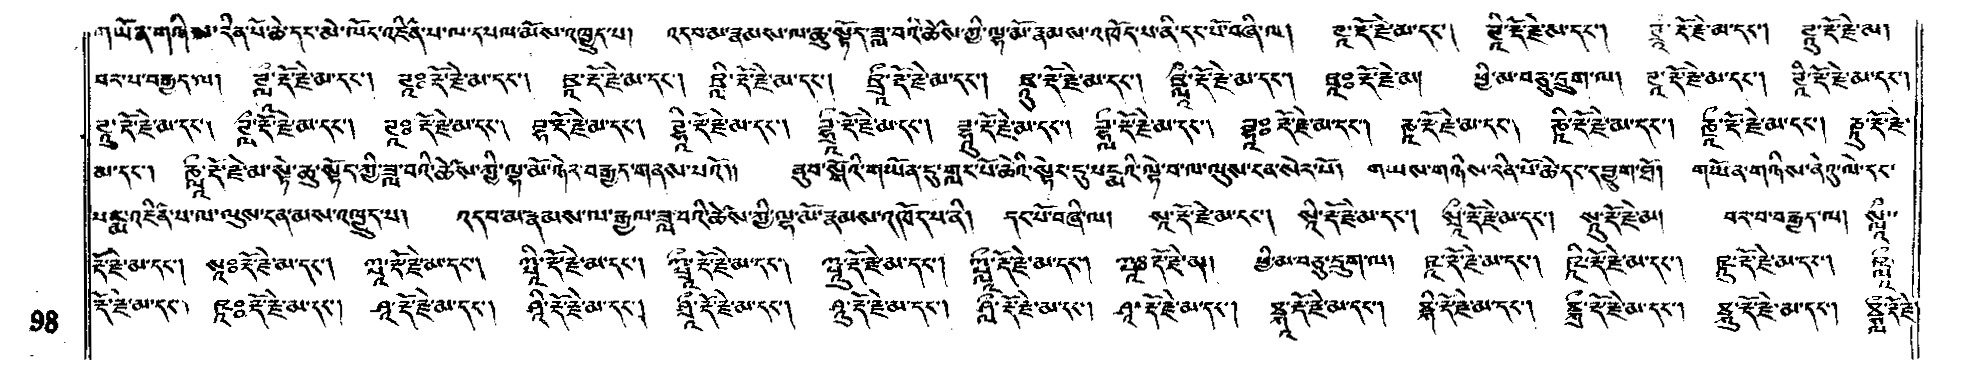གཡོན་གཉིས་རིན་པོ་ཆེ་དང་མེ་ལོང་འཛིན་པ་ལ་དཔལ་མོས་འཁྱུད་པ། འདབ་མ་རྣམས་ལ་ཆུ་སྟོད་ཟླ་བའི་ཚེས་ཀྱི་ལྷ་མོ་རྣམས་འཁོད་པ་ནི་དང་པོ་བཞི་ལ། ཊཱ་རྡོ་རྗེ་མ་དང་། ཊཱི་རྡོ་རྗེ་མ་དང་། ཊྲཱྀ་རྡོ་རྗེ་མ་དང་། ཊཱུ་རྡོ་རྗེ་མ།
བར་པ་བརྒྱད་ལ། ཊླྀ་རྡོ་རྗེ་མ་དང་། ཊཱཿ རྡོ་རྗེ་མ་དང་། ཊཿཨཱ་རྡོ་རྗེ་མ་དང་། ཊཿལི་རྡོ་རྗེ་མ་དང་། ཊཿརཱྀ་རྡོ་རྗེ་མ་དང་། ཊཿཨཱུ་རྡོ་རྗེ་མ་དང་། ཊཿལཱྀ་རྡོ་རྗེ་མ་དང་། ཊཿཨཱཿ རྡོ་རྗེ་མ། ཕྱི་མ་བཅུ་དྲུག་ལ། ཊཱ་རྡོ་རྗེ་མ་དང་། ཊཱི་རྡོ་རྗེ་མ་དང་།
ཊཱུ་རྡོ་རྗེ་མ་དང་། ཊླྀ་རྡོ་རྗེ་མ་དང་། ཊཱཿ རྡོ་རྗེ་མ་དང་། བྷ་རྡོ་རྗེ་མ་དང་། ཊྷཱི་རྡོ་རྗེ་མ་དང་། ཊྷྲཱྀ་རྡོ་རྗེ་མ་དང་། ཌྷཱུ་རྡོ་རྗེ་མ་དང་། ཌྷླྀ་རྡོ་རྗེ་མ་དང་། ཌྷཱཿ རྡོ་རྗེ་མ་དང་། ཎཱ་རྡོ་རྗེ་མ་དང་། ཎཱི་རྡོ་རྗེ་མ་དང་། ཎྲཱྀ་རྡོ་རྗེ་མ་དང་། ཎཱུ་རྡོ་རྗེ་
མ་དང་། ཎླཱྀ་རྡོ་རྗེ་མ་སྟེ་ཆུ་སྟོང་ཀྱི་ཟླ་བའི་ཚེས་ཀྱི་ལྷ་མོ་ཉེར་བརྒྱད་གནས་པའོ།། ནུབ་སྒོའི་གཡོན་དུ་གླང་པོ་ཆེའི་སྟེང་དུ་པདམའི་ལྟེ་བ་ལ་ལུས་ངན་སེར་པོ། གཡས་གཉིས་རིན་པོ་ཆེ་དང་དབྱུག་ཐོ། གཡོན་གཉིས་ནེའུ་ལེ་དང་
པདམ་འཛིན་པ་ལ་ལུས་ངན་མས་འཁྱུད་པ། འདབ་མ་རྣམས་ལ་རྒྱལ་ཟླ་བའི་ཚེས་ཀྱི་ལྷ་མོ་རྣམས་འཁོད་པ་ནི། དང་པོ་བཞི་ལ། སཱ་རྡོ་རྗེ་མ་དང་། སཱི་རྡོ་རྗེ་མ་དང་། སྲཱྀ་རྡོ་རྗེ་མ་དང་། སཱུ་རྡོ་རྗེ་མ། བར་བ་བརྒྱད་ལ། སླཱྀ་
རྡོ་རྗེ་མ་དང་། སཱཿ རྡོ་རྗེ་མ་དང་། ཀྤཱ?་རྡོ་རྗེ་མ་དང་། ཀྤྲཱི?་རྡོ་རྗེ་མ་དང་། ཀྤྲཱྀ་རྡོ་རྗེ་མ་དང་། ཀྤཱུ་རྡོ་རྗེ་མ་དང་། ཀྤླཱྀ་རྡོ་རྗེ་མ་དང་། ཀྤཱཿ རྡོ་རྗེ་ན། ཕྱི་མ་བཅུ་དྲུག་ལ། ཥཱ་རྡོ་རྗེ་མ་དང་། ཥཱི་རྡོ་རྗེ་མ་དང་། ཥཱུ་རྡོ་རྗེ་མ་དང་། ཥླཱྀ་
རྡོ་རྗེ་མ་དང་། ཥཱཿ རྡོ་རྗེ་མ་དང་། ཤཱ་རྡོ་རྗེ་མ་དང་། ཤཱི་རྡོ་རྗེ་མ་དང་། ཤྲཱྀ་རྡོ་རྗེ་མ་དང་། ཤཱུ་རྡོ་རྗེ་མ་དང་། ཤླྀ་རྡོ་རྗེ་མ་དང་། ཤཱ་རྡོ་རྗེ་མ་དང་། ཐྐཱ་རད་རྗེ། མ་དང་། ཐྐི་རྡོ་རྗེ་མ་དང་། ཐྐྲྀ་རྡོ་རྗེ་མ་དང་། ཀུ་རྡོ་རྗེ་མ་དང་། ྾ཀླྀ་རྡོ་རྗེ་